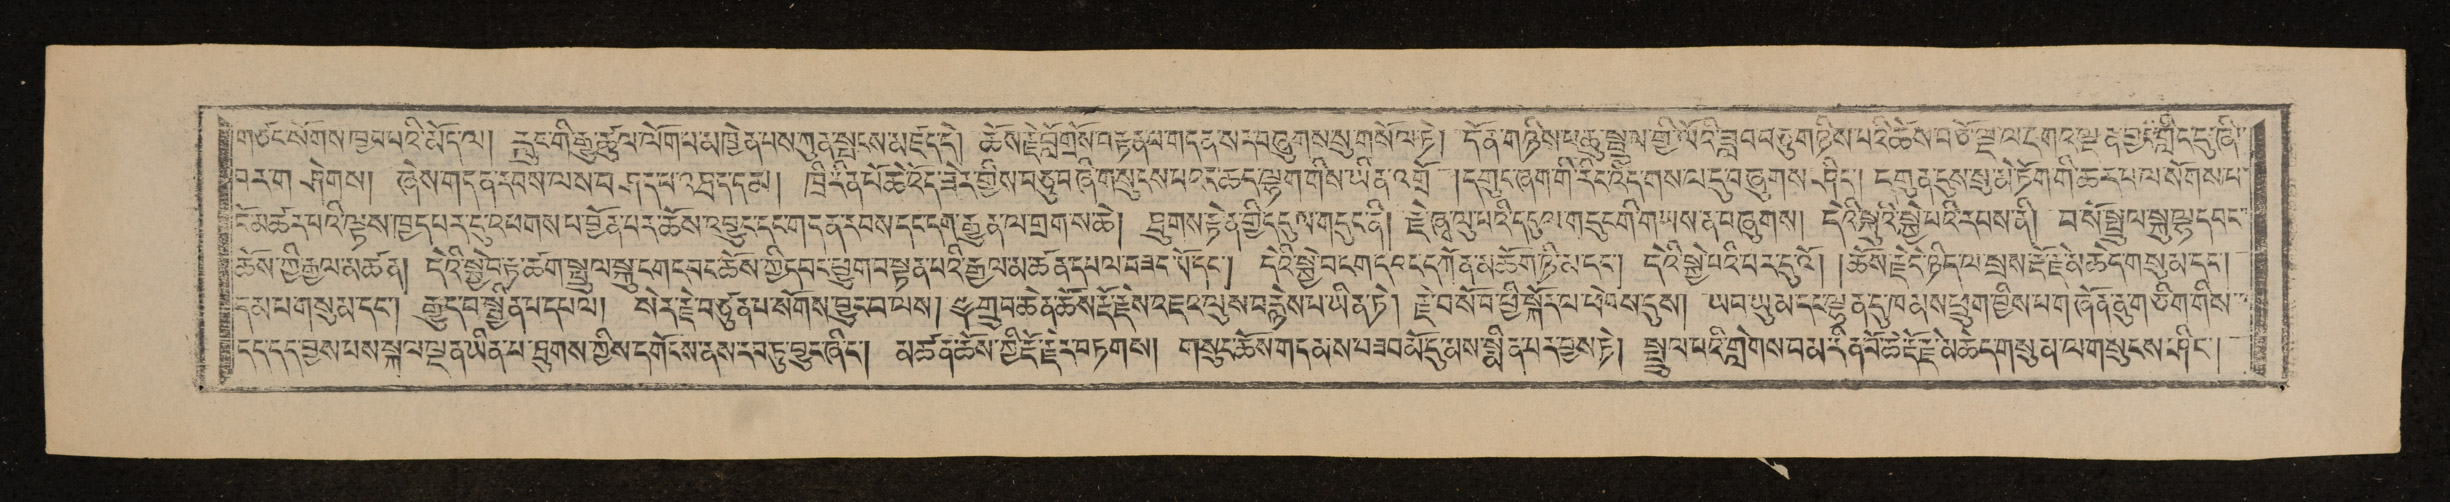གཙང་སོགས་ཁྱབ་པའི་མོད་ལ། རླུང་གི་རྒྱུ་ཚུལ་ལོག་པ་མཁྱེན་པས་ཀུན་སྤངས་མཛད་དེ། ཆོས་རྗེ་བློ་གྲོས་བརྟན་པ་གདན་སར་བཞུགས་སུ་གསོལ་ཏེ། དོན་གཉིས་པ་ཆུ་སྦྲུལ་གྱི་ལོའི་ཟླ་བ་བཅུ་གཉིས་པའི་ཚེས་བཅོ་ལྔ་ལ་དགའ་ལྡན་བྱང་གླིང་དུ་ཞི་
བར་གཤེགས། ཞེས་གདན་རབས་ལས་བཤད་པ་འཐད་དམ། ཁྲི་རིན་པོ་ཆེ་འོད་ཟེར་གྱིས་བཅུ་བཞི་གསུངས་པའང་ཆད་ལྷག་གིས་ཡིན་འགྲོ་།དགུང་ཞག་གི་རིང་འོད་གསལ་དུ་བཞུགས་ཤིང་། དགུན་དུས་སུ་མེ་ཏོག་གི་ཆར་བ་ལ་སོགས་པ་
ངོ་མཚར་པའི་ལྟས་ཁྱད་པར་དུ་འཕགས་པ་བྱོན་པར་ཆོས་འབྱུང་དང་གདན་རབས་དང་ངག་རྒྱུན་ལ་གྲགས་ཆེ། ཐུགས་རྟེན་གྱི་དངུལ་གདུང་ནི། རྗེ་ཞྭ་ལུ་བའི་དངུལ་གདུང་གི་གཡས་ན་བཞུགས། དེའི་སྐུའི་སྐྱེ་བའི་རབས་ནི། བ་སོ་སྤྲུལ་སྐུ་ལྷ་དབང་
ཆོས་ཀྱི་རྒྱལ་མཚན། དེའི་སྐྱེ་བ་རྟ་ཚག་སྤྲུལ་སྐུ་ངག་དབང་ཆོས་ཀྱི་དབང་ཕྱུག་བསྟན་པའི་རྒྱལ་མཚན་དཔལ་བཟང་པོ་དང་། དེའི་སྐྱེ་བ་ངག་དབང་དཀོན་མཆོག་ཉི་མ་དང་། དེའི་སྐྱེ་བའི་བར་དུའོ། །ཆོས་རྗེ་དེ་ཉིད་ལ་སྲས་རྡོ་རྗེ་མཆེད་གསུམ་དང་།
དམ་པ་གསུམ་དང་། རྒྱུད་པ་སྦྱིན་པ་དཔལ། སེར་རྗེ་བཙུན་པ་སོགས་བྱུང་བ་ལས། ༈ གྲུབ་ཆེན་ཆོས་རྡོ་རྗེས་འཇའ་ལུས་བརྙེས་པ་ཡིན་ཏེ། རྗེ་བ་སོ་པ་ཕྱི་སྐོར་ལ་ཕེབས་དུས། ཡབ་ཡུམ་དང་ལྷན་དུ་ཁམས་ཕྲུག་བྱིས་པ་གཞོན་ནུ་གཅིག་གིས་
དད་དད་བྱས་པས་སྐལ་ལྡན་ཡིན་པ་ཐུགས་ཀྱིས་དགོངས་ནས་རབ་ཏུ་བྱུང་ཞིང་། མཚན་ཆོས་ཀྱི་རྡོ་རྗེར་བཏགས། གསུང་ཆོས་གདམས་པ་ཟབ་མོ་དུ་མས་སྨིན་པར་བྱས་ཏེ། སྤྲུལ་བའི་གླེགས་བམ་རིན་པོ་ཆེ་རྡོ་རྗེ་མཆེད་གསུམ་ལ་གསུངས་ཤིང་།